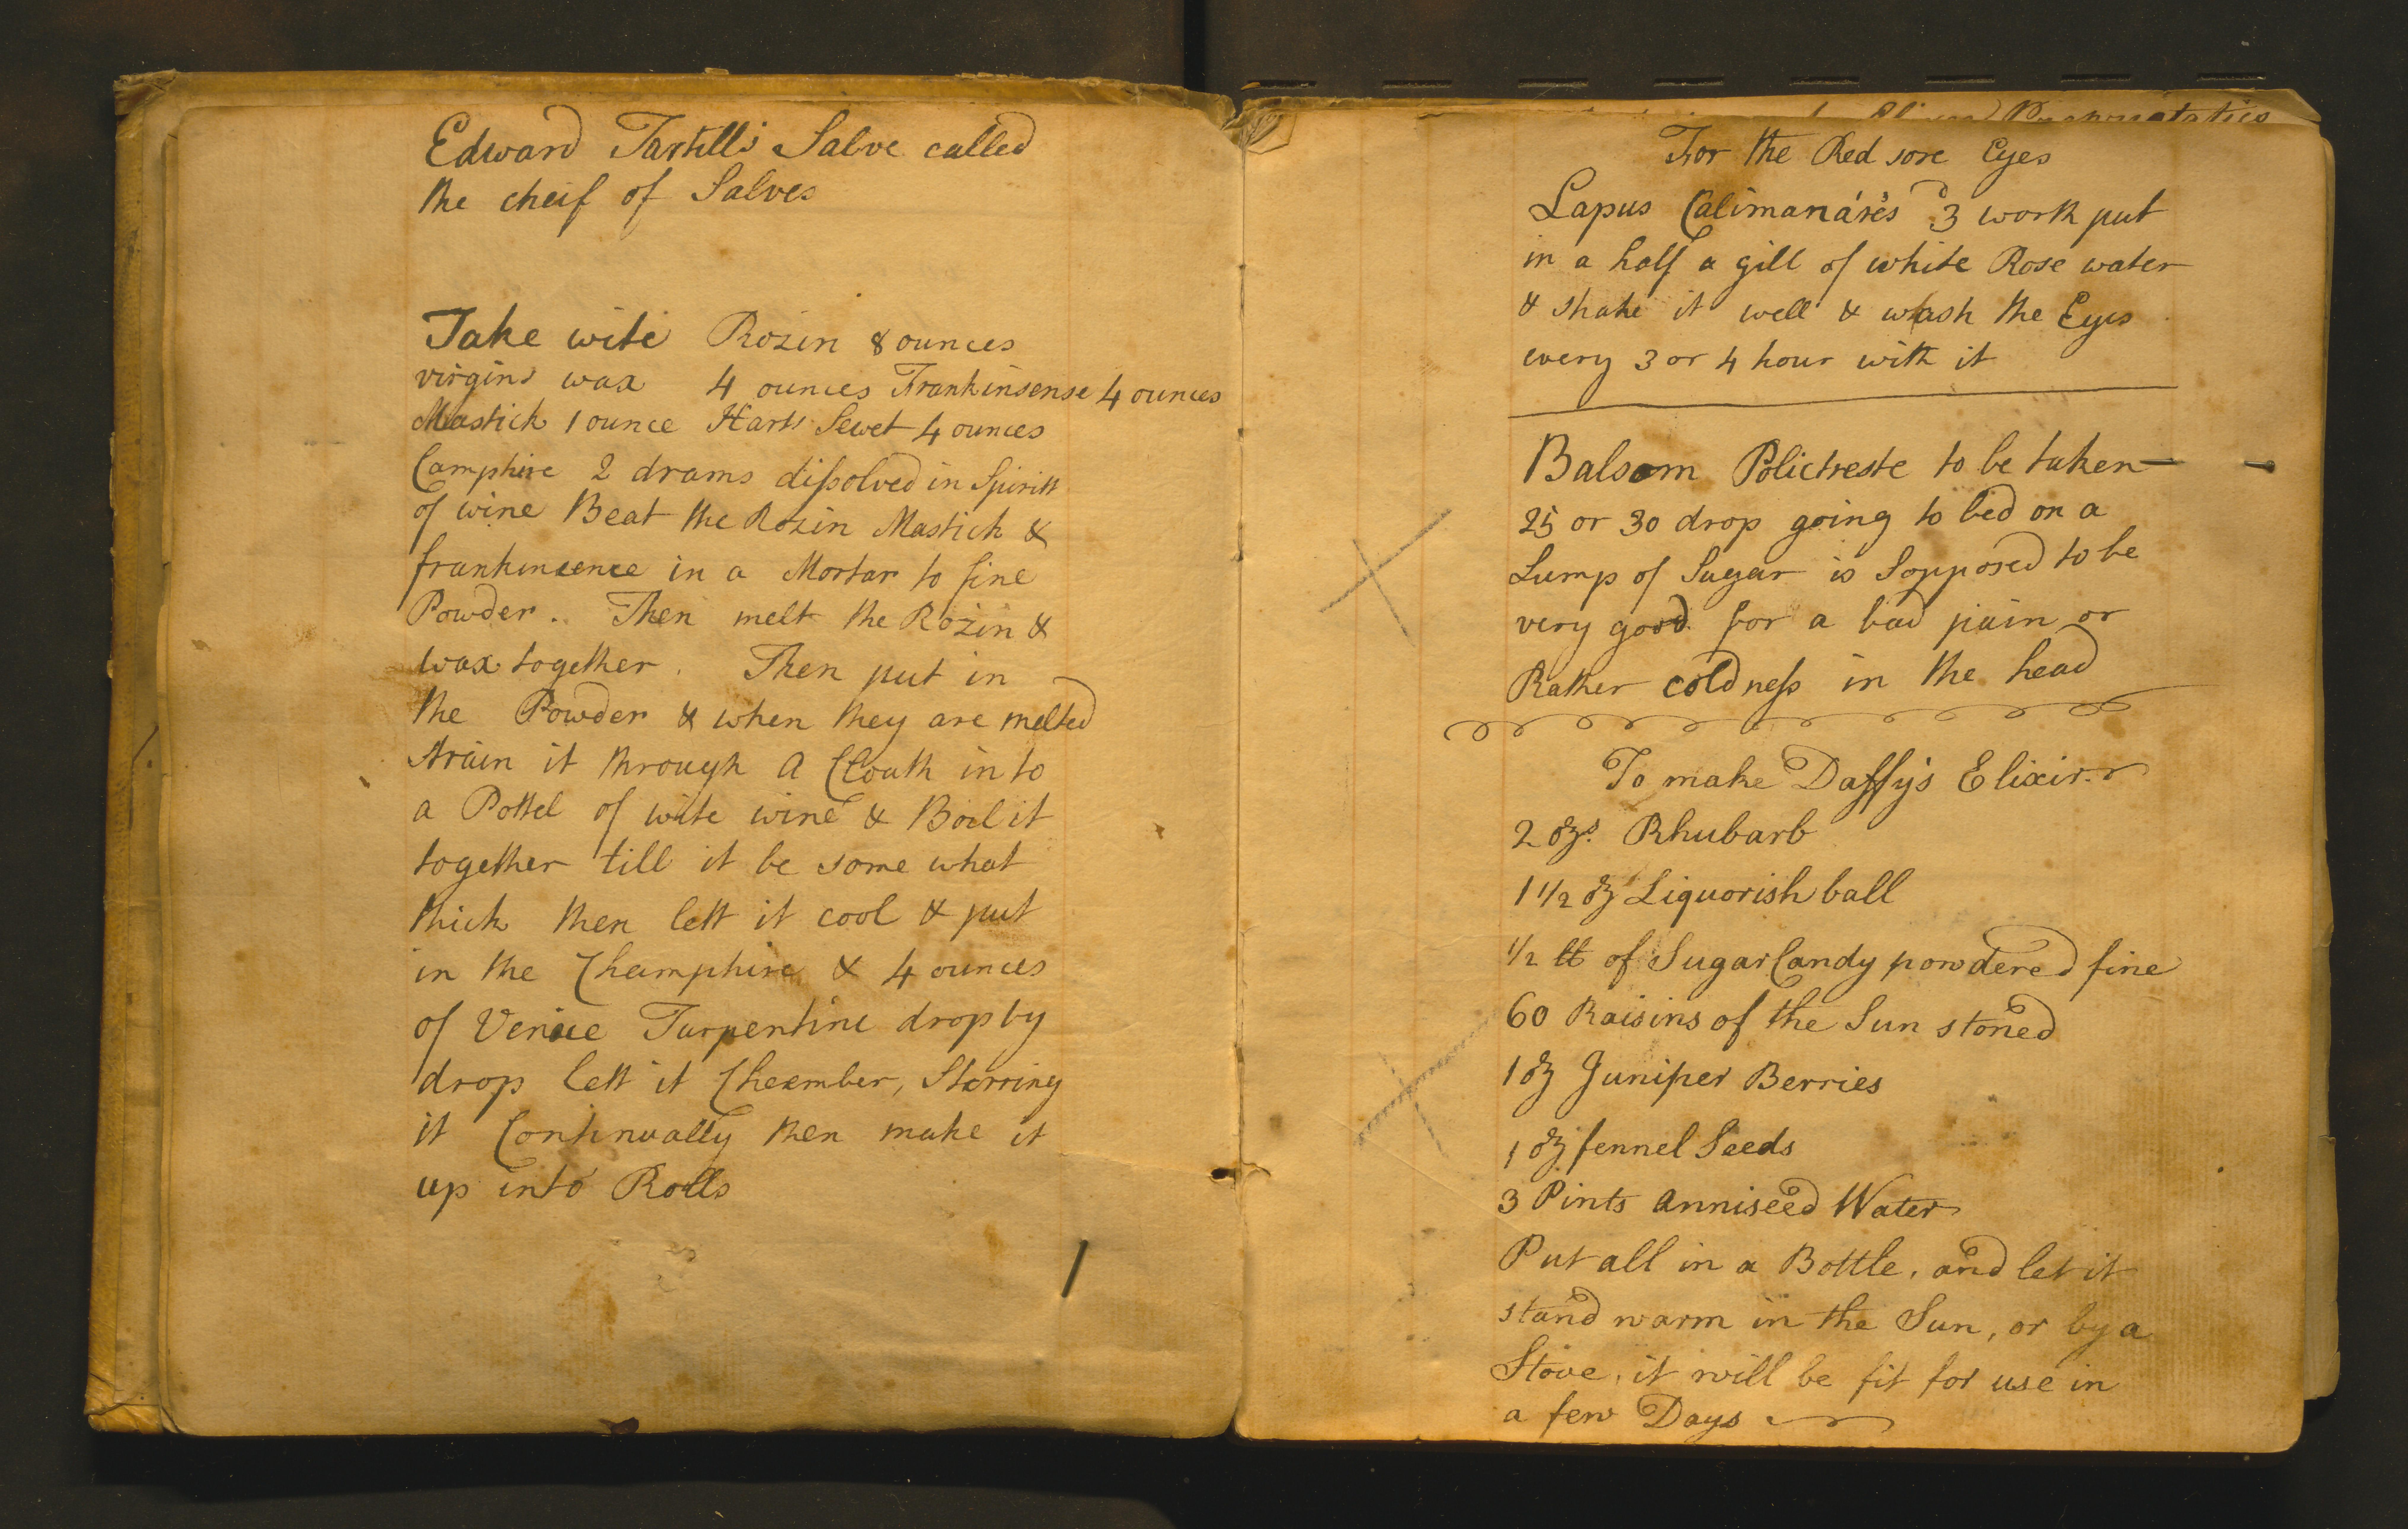Edward Tartill's Salve called
the cheif of salves
Take wite Rozin 8 ounces
virgins wax 4 ounces Frankinsense 4 ounces
Mastick 1 ounce Harts sewet 4 ounces
Camphire 2 drams dissolved in Spiritt
of wine Beat the Rozin Mastik &
frankincence in a Mortar to fine
Powder. Then melt the Rozin &
wax together. Then put in
the Powder & when they are melted
strain it through a Cloath in to
a Pottel of wite wine & Boil it
together till it be some what
thick then lett it cool & put
in the Champhire & 4 ounces
of Venice Turpentine drop by
drop lett it Cheember, sterring
it Continually then make it
up into Rolls
For the Red sore Eyes
Lapus Calimanres 3^d worth put
in a half a gill of white Rose water
& shake it well & wash the Eyes
every 3 or 4 hour with it
Balsam Polictreste to be taken-
25 or 30 drops going to bed on a
Lump of sugar is supposed to be
very good for a bad pain or
Rather coldness in the head
To make Daffy's Elixir
2 ozs. Rhubarb
1 1/2 oz Liquorish ball
1/2 lb of Sugar Candy powdered fine
60 Raisins of the Sun stoned
1 oz Juniper Berries
1 oz fennel seeds
3 Pints anniseed Water
Put all in a Bottle, and let it
stand warm in teh Sun, or by a
Stove, it will be fit for use in
a few Days